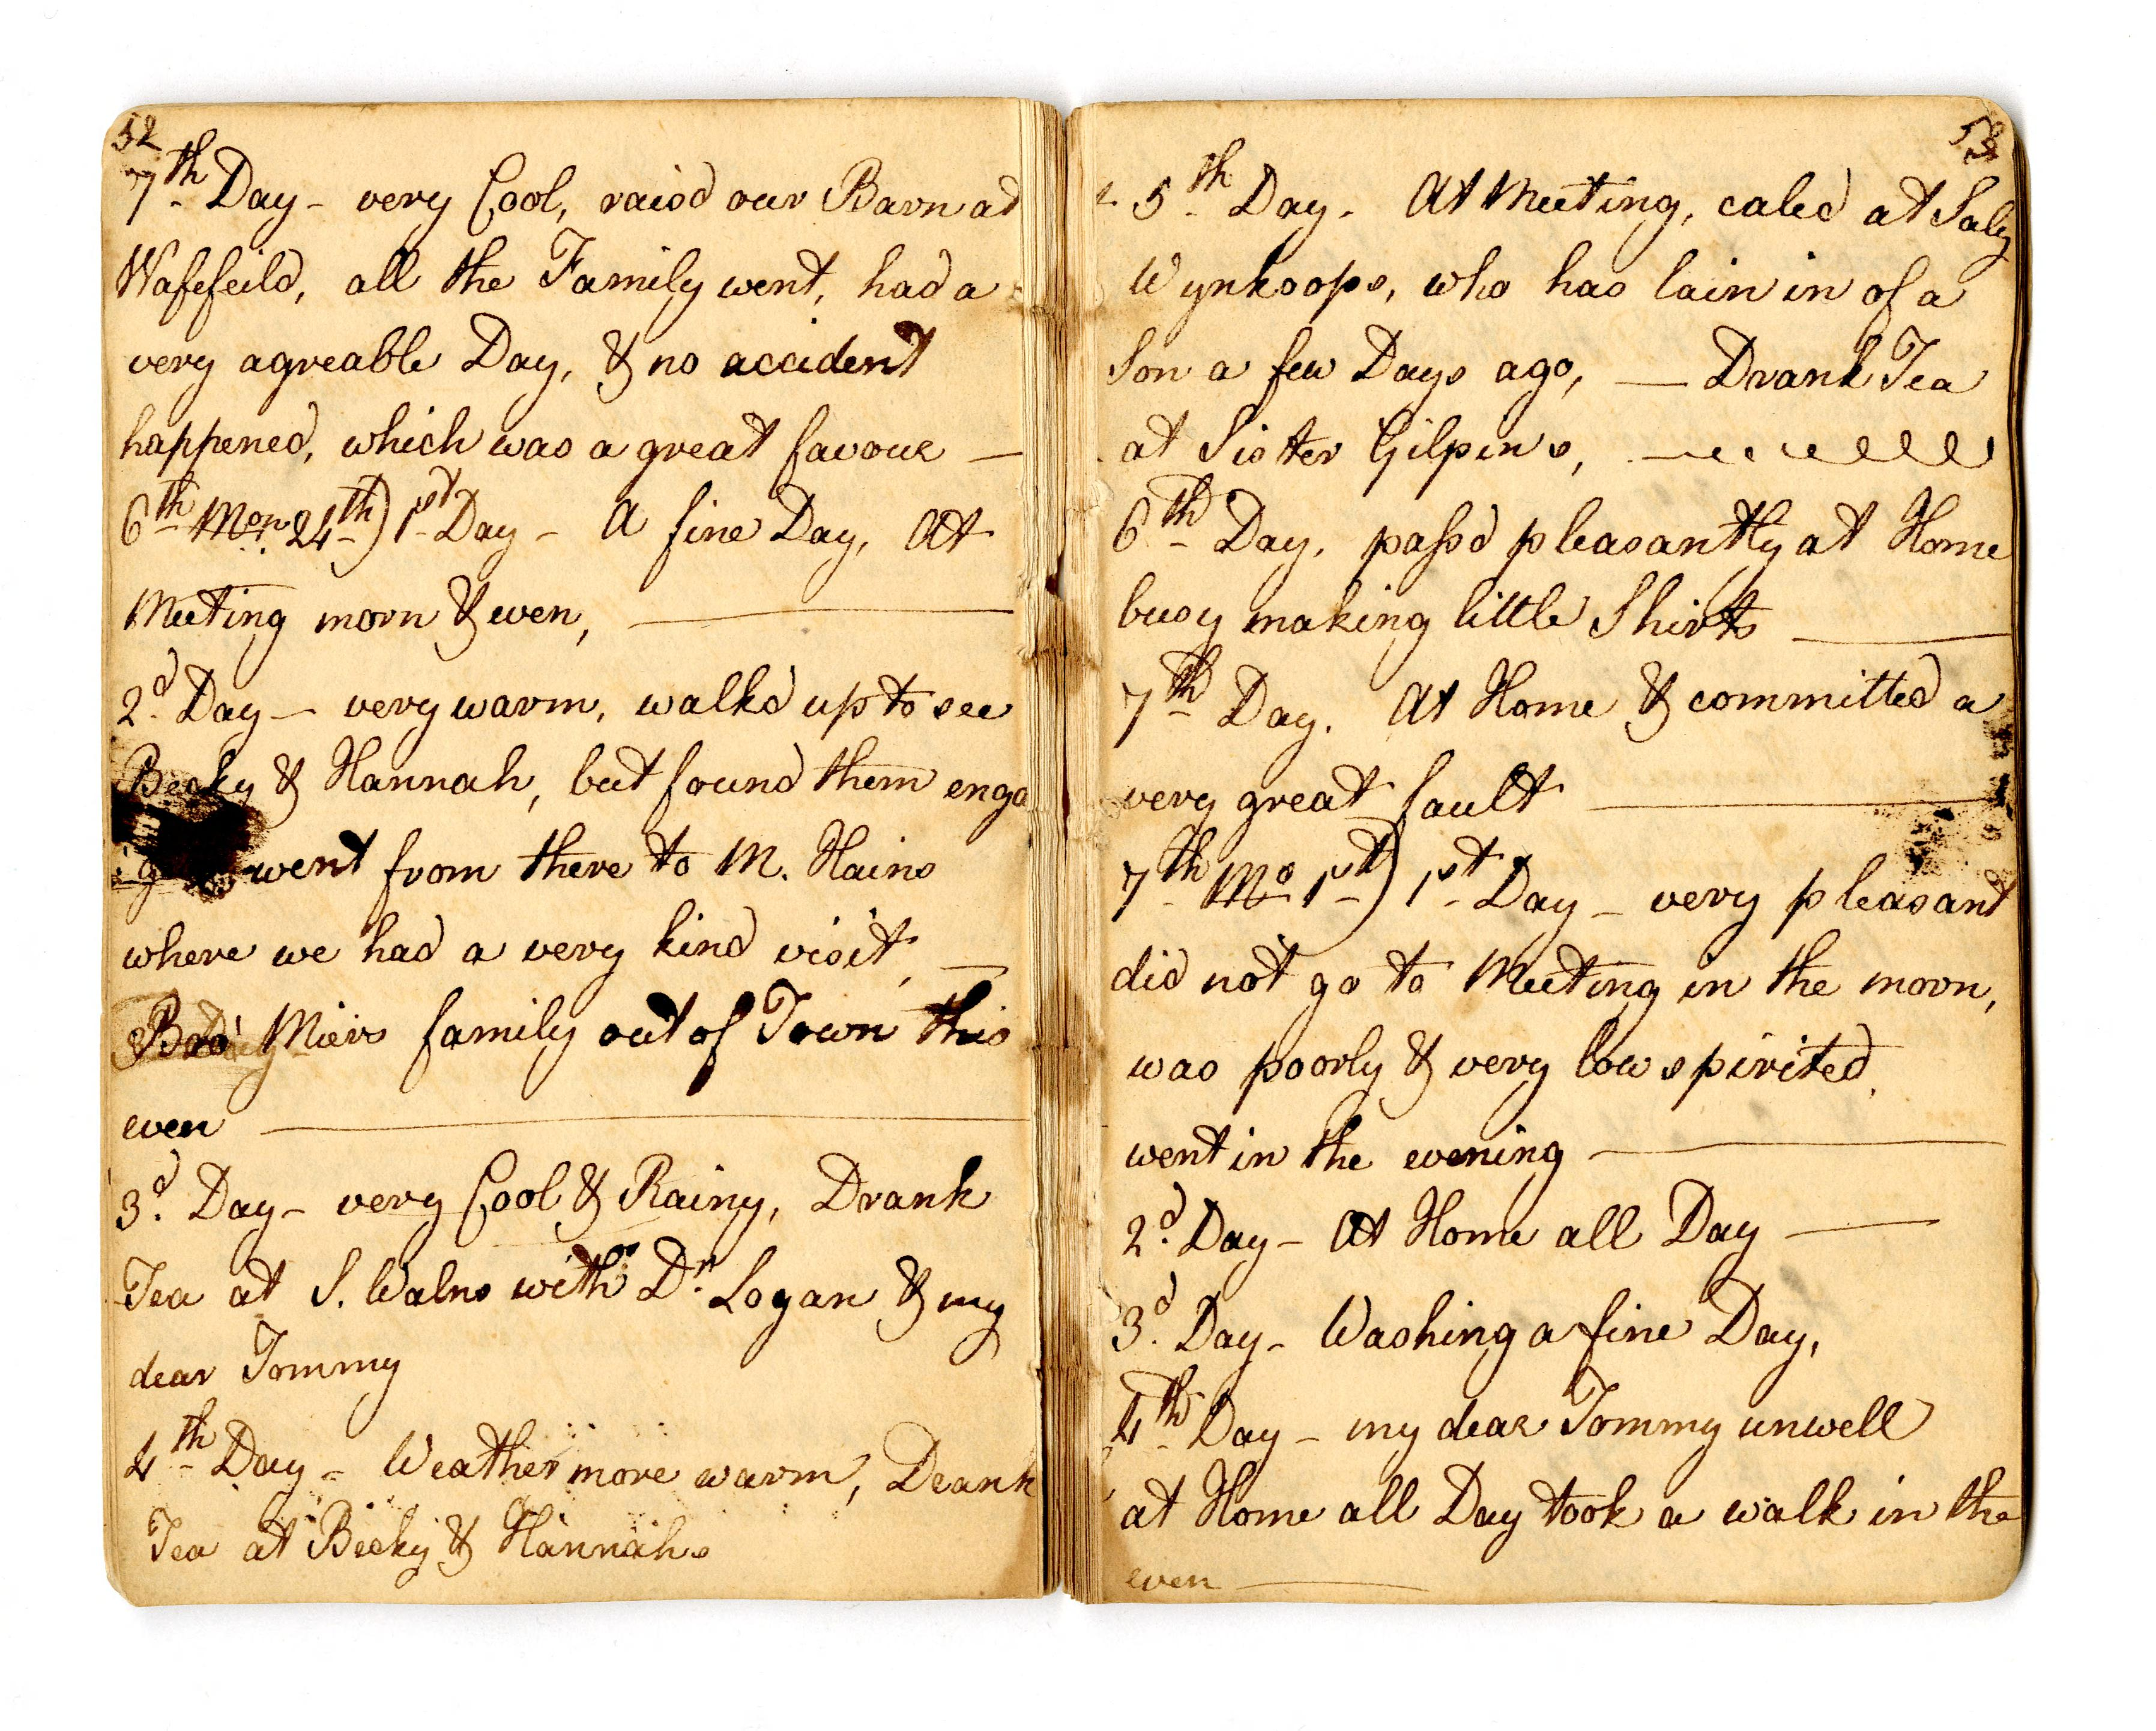7^th Day- very Cool, raisd our Barn at
Wafefeild, all the Family went had a
very agreable Day, & no accident
happened, which was a great favour-
6^th M^on 24^th) 1^st Day- A fine Day, At
Meeting morn & even,
2^d. Day- very warm, walkd up to see
Becky & Hannah, but found them engo
g[__] went from there to M. Hains
where we had a very kind visit
Bro' Miers family out of Town this
even
3^d. Day- very Cool & Rainy, Drank
Tea at S. Walns with D^r. Logan & my
dear Tommy
4^th Day- Weather more warm, Drank
Tea at Becky & Hannahs
5^th Day- At Meeting, caled at Saly
Wynkoops, who has lain in of a
Son a few Days ago, - Drank Tea
at Sister Gilpins, -
6^th Day, passd pleasantly at Home
busy making little Shirts
7^th Day, At Home & committed a
very great fault
7^th M^o 1^st) 1^st Day- very pleasant
did not go to Meeting in the morn,
was poorly & very low spirited
went in the evening
2^d. Day- At Home all day-
3^d. Day- Washing a fine Day,
4^th Day- my dear Tommy unwell
at Home all Day took a walk in the
even